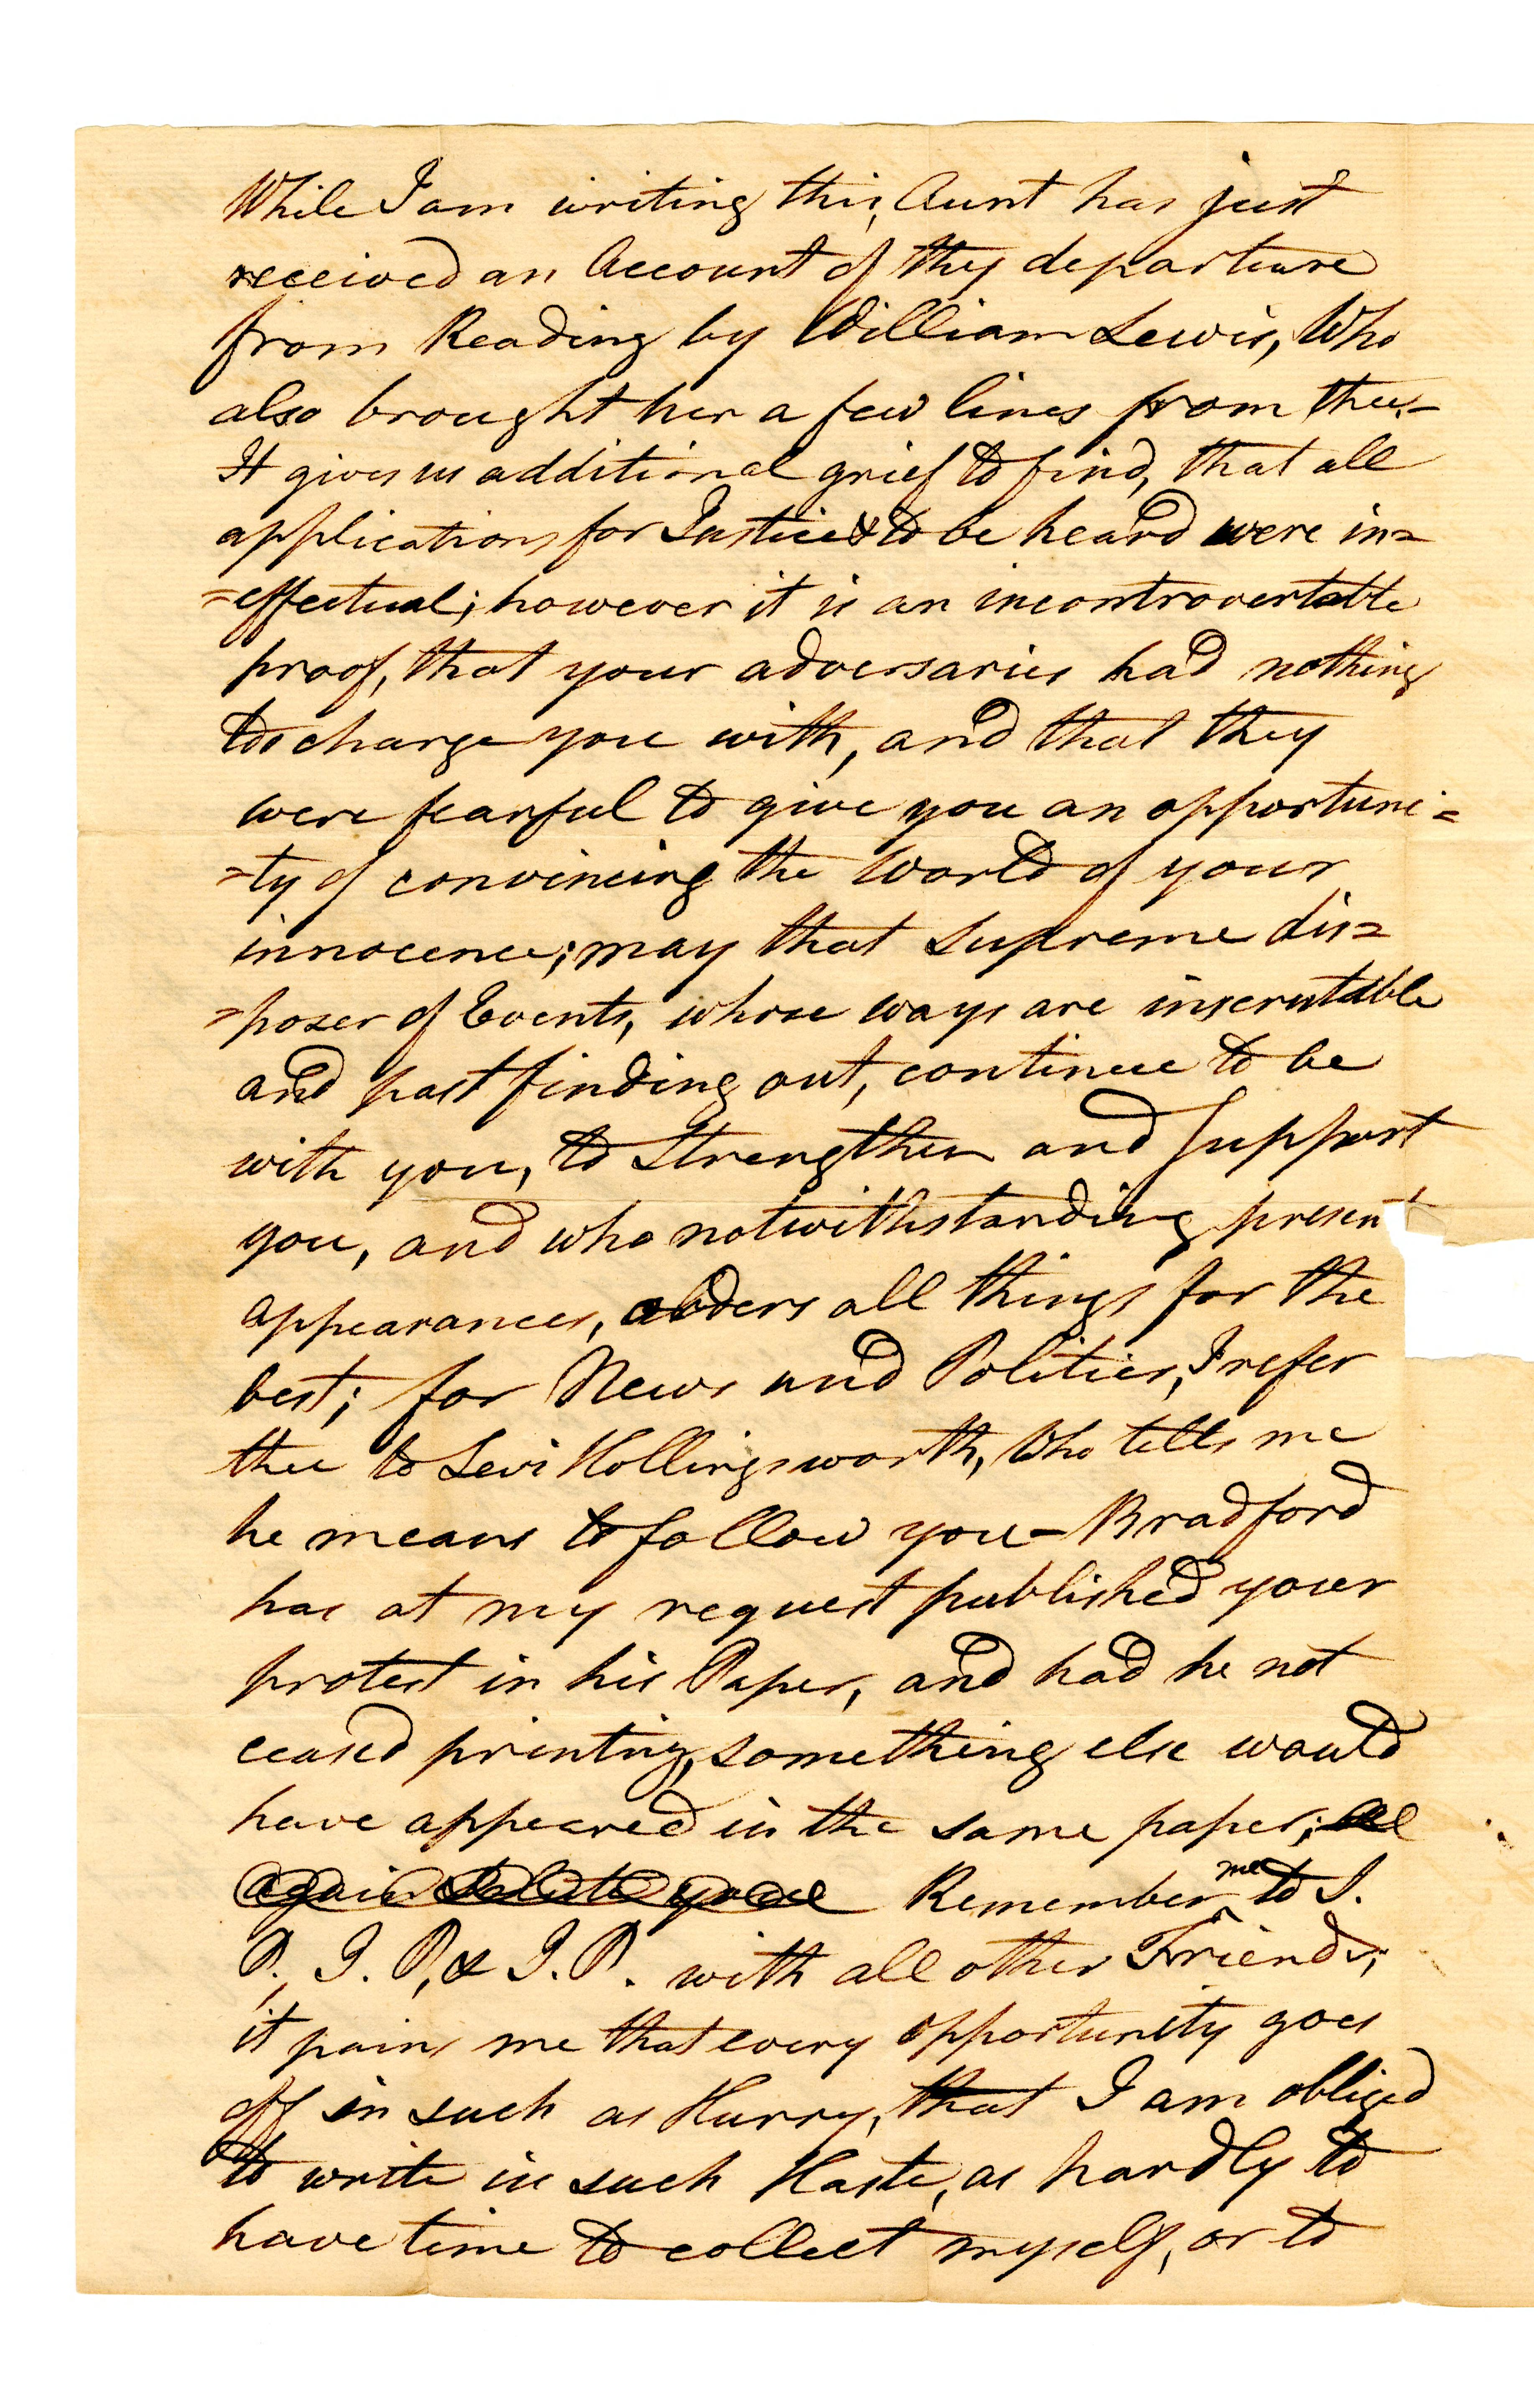While I am writing this, Aunt has just
received an Account of thy departure
from Reading by William Lewis, Who
also brought her a few lines from thee.-
It gives us additional grief to find, that all
applications for Justice & to be heard were in-
-effectual; however it is an incontrovertable
proof, that your adversaries had nothing
too charge you with, and that they
were fearful to give you an opportuni-
-ty of convincing the World of your
innocence; may that supreme dis-
-poser of Events, whose ways are inscrutable
and past finding out, continue to be
with you, to Strengthen and Support
you, and who notwithstanding present
appearances, orders all things for the
best; for News and Politics, I refer
thee to Levi Hollingsworth, who tells me
he means to follow you- Bradford
has at my request published your
protest in his Paper, and had he not
ceased printing, something else would
have appeared in the same paper; [___]
me
[again Salute you] Remember ^ to S.
P., J. P, & J. P. with all other Friends,
it pains me that every opportunity goes
off in such a Hurry, that I am obliged
to write in such Haste, as hardly to
have time to collect myself, or to